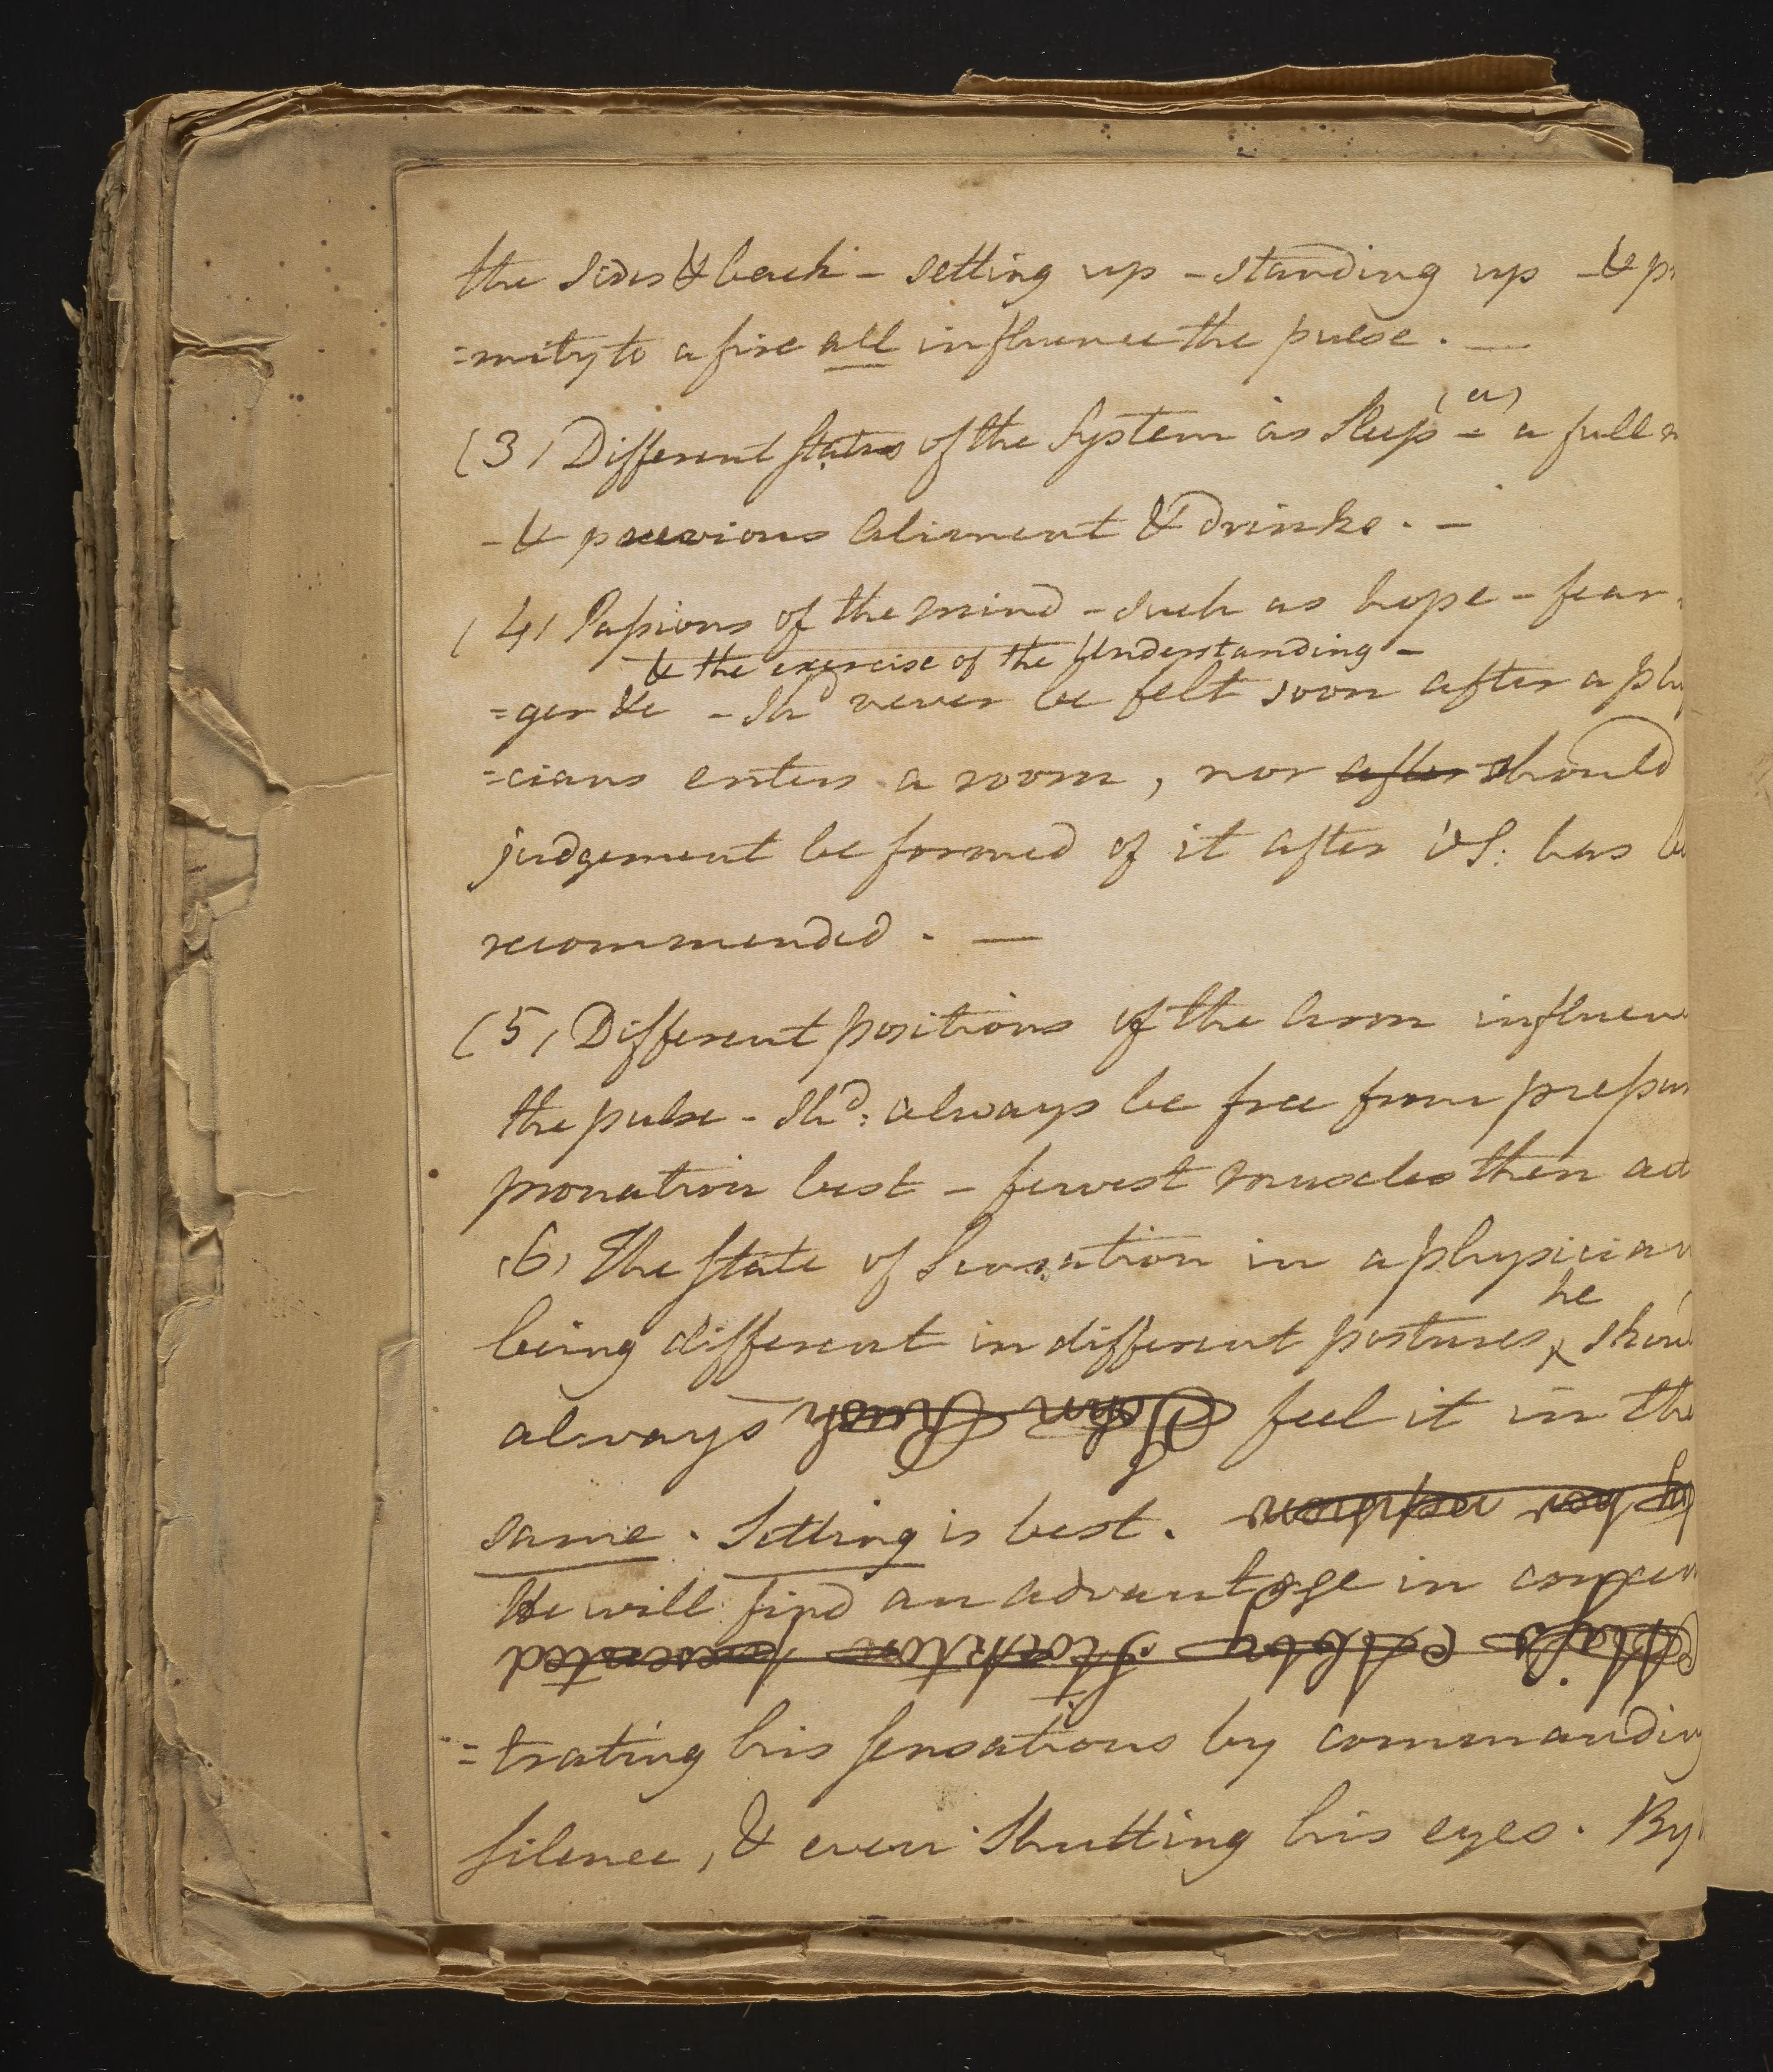the sides & back, setting up, standing up, & p
-mity to a fire all influence the pulse.
(a)
(3) Different States of the System as Sleep, a full [__]
& provisions Aliment & drinks.-
(4) Passions of the mind- such as hope- fear
& the exercise of understanding
-ger &c. It never be feelt soon after physi-
-cians enters a room, nor [after] should
judgement be formed of it after US: has been
recommended.-
(5) Different positions of the arm influence
the pulse, Sh^d always be free from prep[__]
pronation best, fewest muscles then act
(6) The State of Sensation in a physicain
he
being different in different postures ^ should
always
[John Rush]
feel it in the
[by her nephew]
same. Setting is best
He will find an advantage in concen
[Miss Abby Stockton presented]
-trating his sensations by commanding
silence, & even shutting his eyes. By